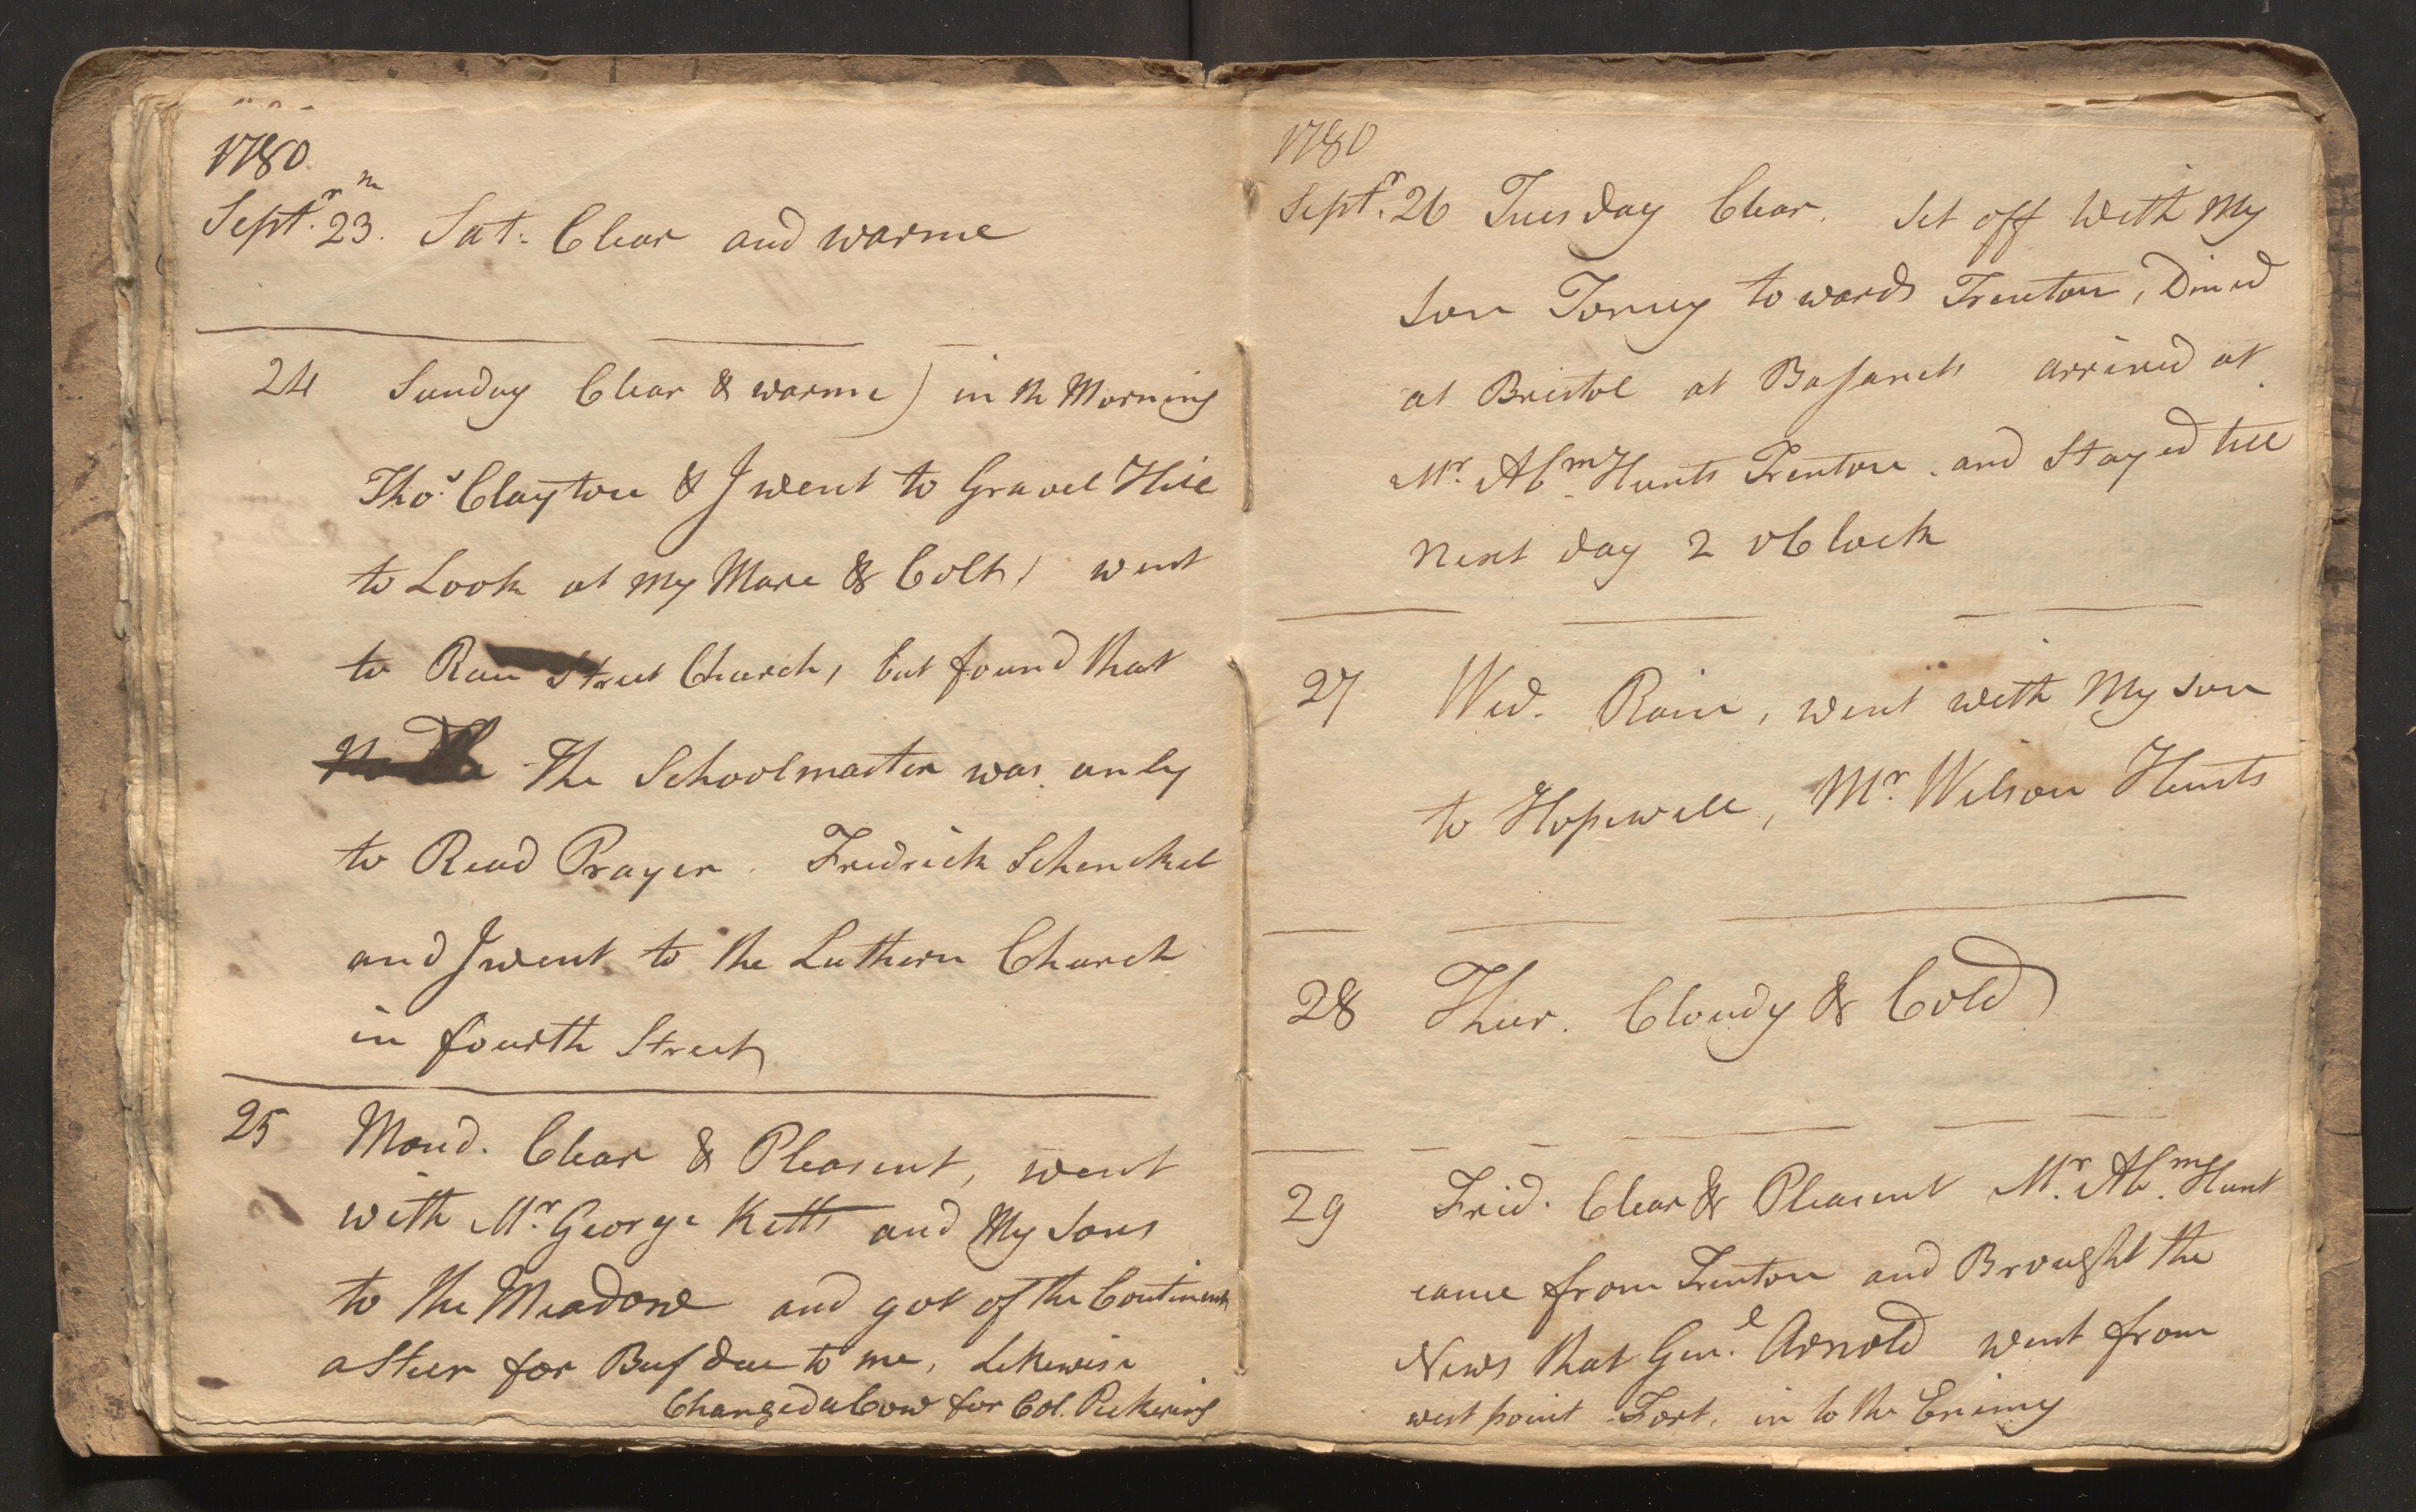1780
Sept^r. 23^th. Sat. Clear and warme
24 Sunday Clear & warme) in th Morning
Tho^s. Clayton & I went to Gravel Hill
to Look at My Mare & Colt, went
to Race Street Church, but found that
[______] The Schoolmaster was anly
to Read Prayer. Fredrick Schenckel
and I went to the Luthern Charch
in fourth Street
25 Mond. Clear & Pleasent, went
with M^r. George Kitts and My sons
to the Meadow and got of the Continent
a Steer for Beef due to me, Likewise
Changed a Cow for Col Pickering
1780
Sept^r. 26 Tuesday Clear. Set off with My
son Toney to wards Trenton, Dined
at Bristol at Basanets arrived at
M^r. Ab^m. Hunts Trenton and Stayed till
Next day 2 oClock
27 Wed. Rain, went with My son
to Hopewell, M^r. Wilson Hunts
28 Thur Cloudy & Cold
29 Frid. Clear & Pleasent M^r. Ab^m. Hunt
came from Trenton and Brought the
News that Gen^l. Arnold went from
west point Fort, in to the Enemy